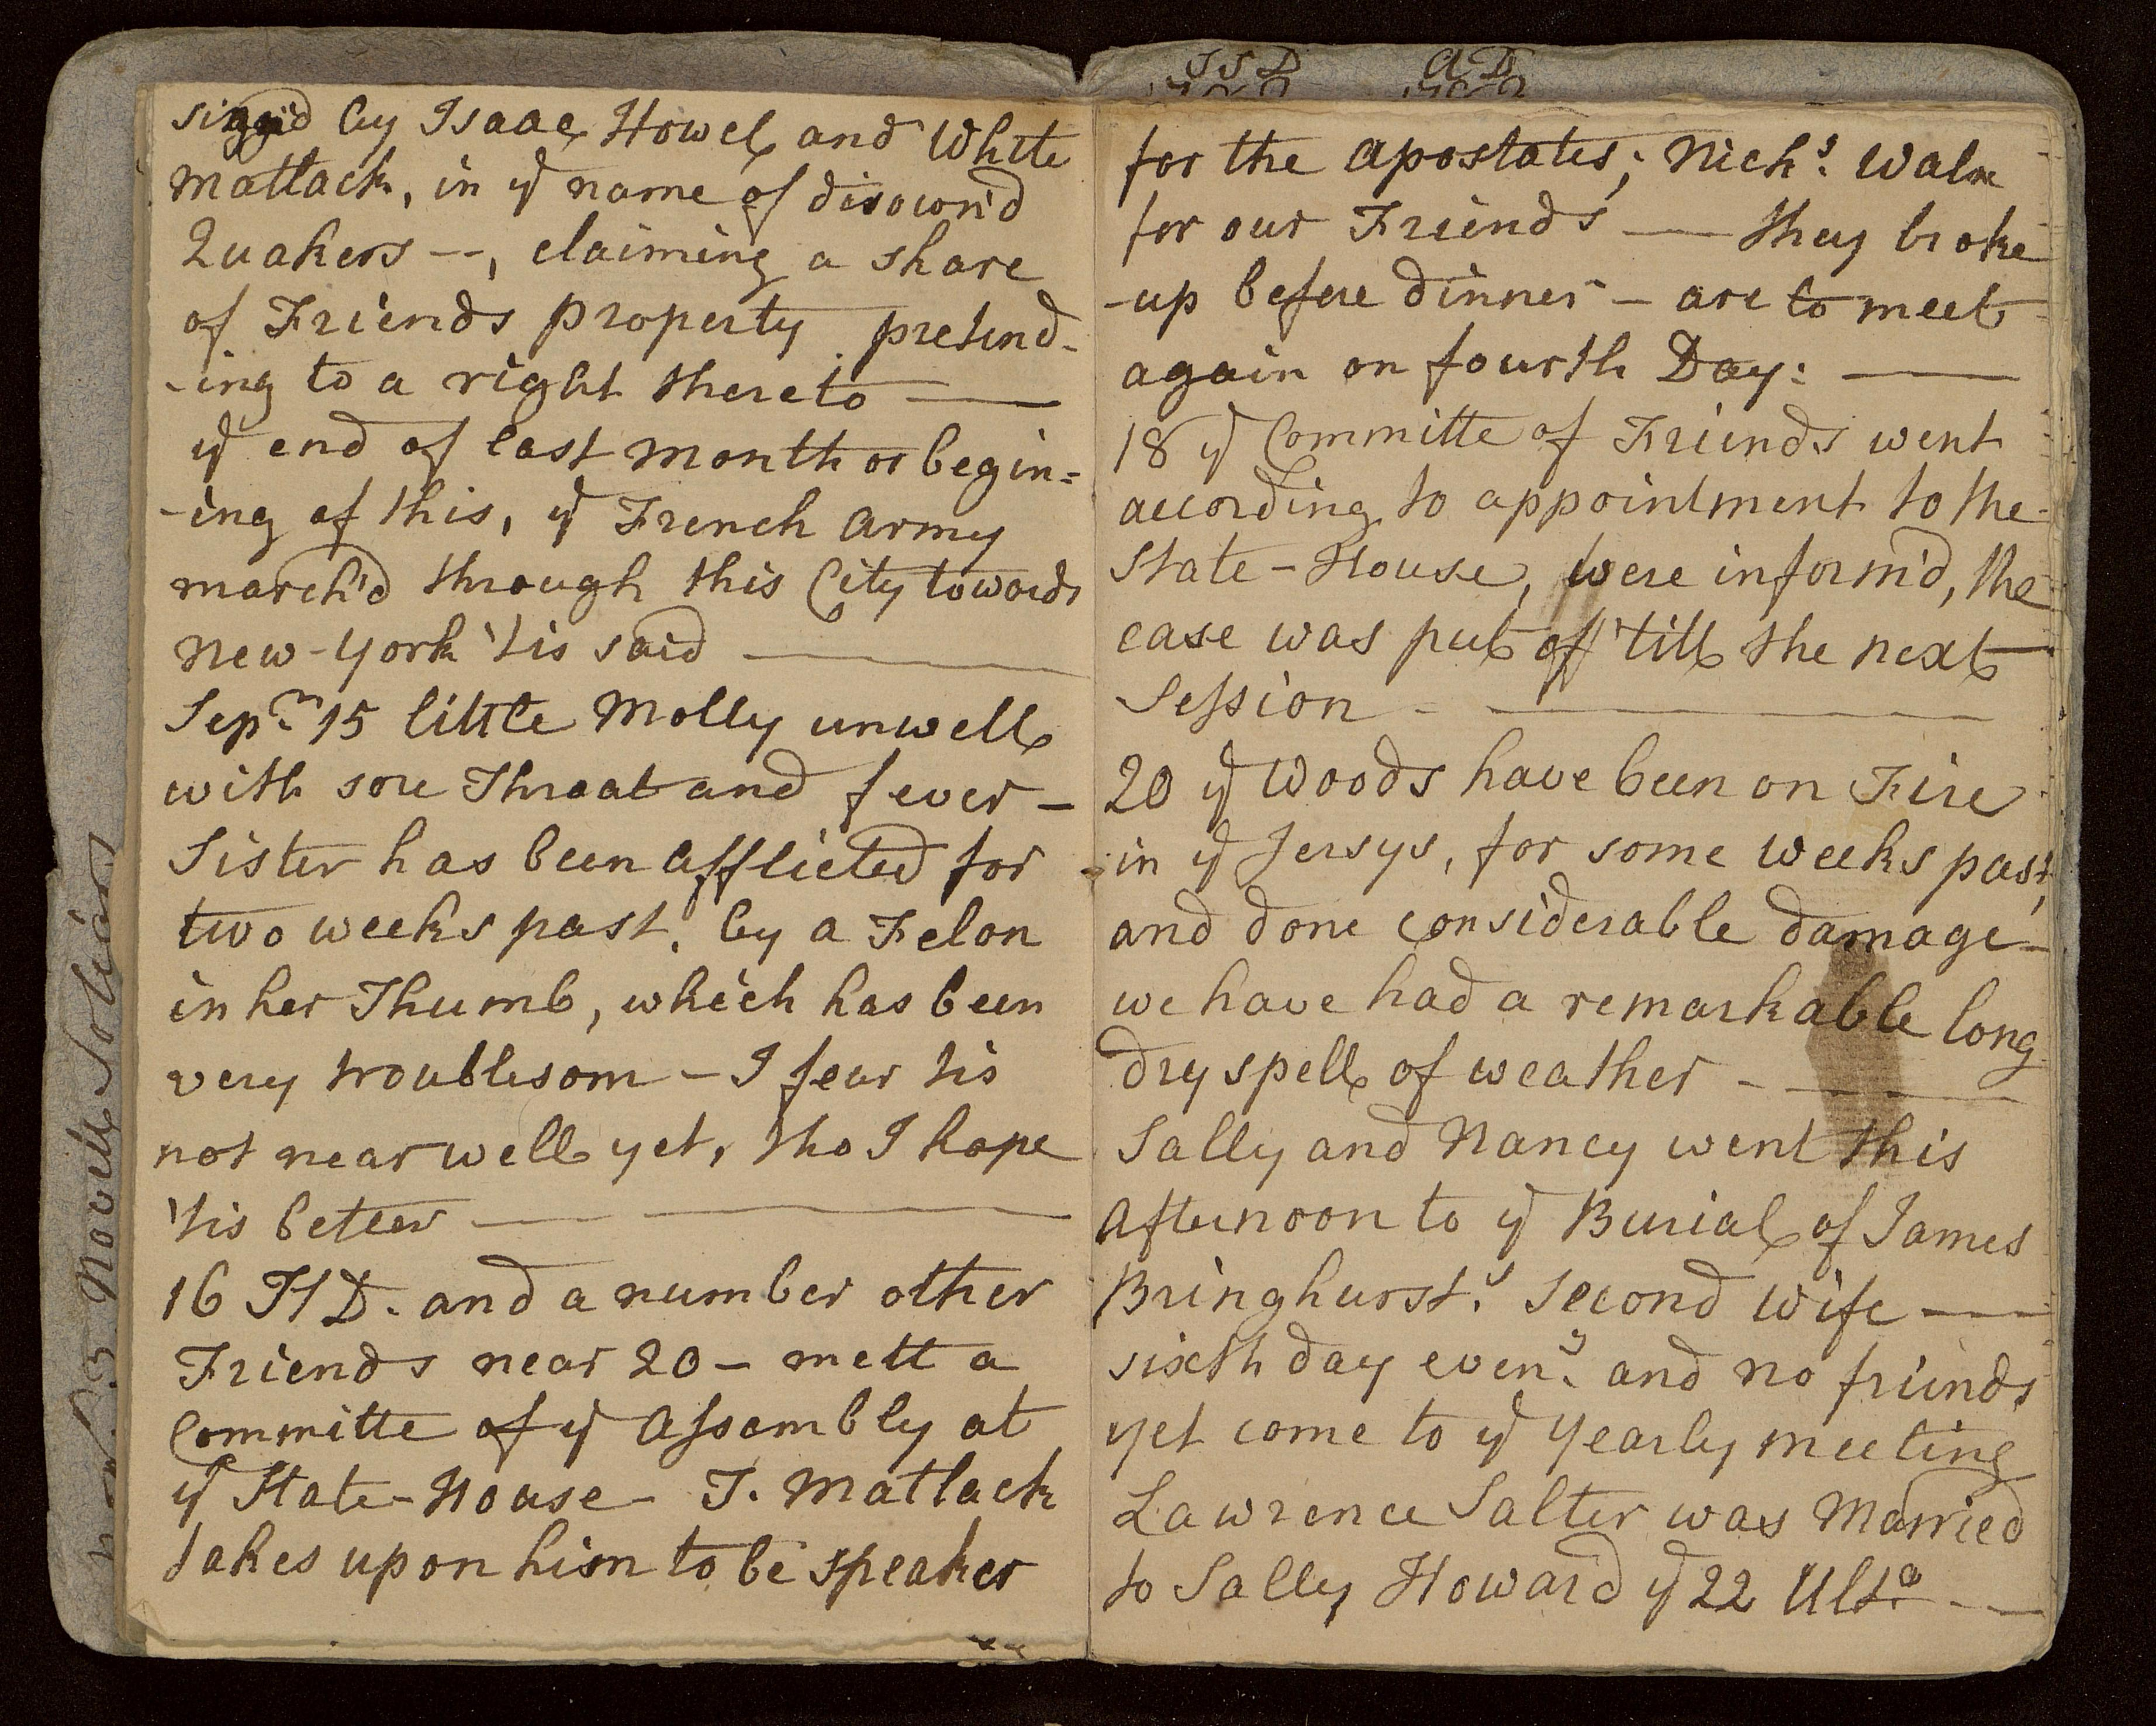sign'd by Isaac Howel and
Matlack, in y^e name of disown'd
Quakers--, claiming a share
of Friends property, pretend-
-ing to a right thereto-
y^e end of last month or begin-
-ing of this, y^e French army
march'd through this City towards
New-York 'tis said-
Sep^r. 15 little Molly unwell
with sore Throat and fever-
Sister has been afflicted for
two weeks past. by a Felon
in her Thumb, which has been
very troublesom- I fear tis
not near well yet, tho I hope
'tis better
16 HD. and a number other
Friends near 20- mett a
Committe of y^e assembly at
y^e Hate-House- T. Matlack
takes upon him to be speaker
for the Apostates; Nich^s. Waln
for our Friends- they broke
-up before dinner- are to meet
again on fourth Day:-
18 y^e Committe of Friends went
according to appoointment to the
State-House, were inform'd, the
case was put off till the next
Session-
20 y^e Woods have bun on Fire
in y^e Jersys, for some weeks past,
and sone considerable damage-
we have has a remarkable long
dry spell of weather--
Sally and Nancy went this
Afternoon to y^e Burial of James
Bringhurst^s. second wife-
sixth day even^g. and no friends
yet come to y^e yearly meeting
Lawrence Salter was Married
to Sally Howard y^e 22 Ult^o-